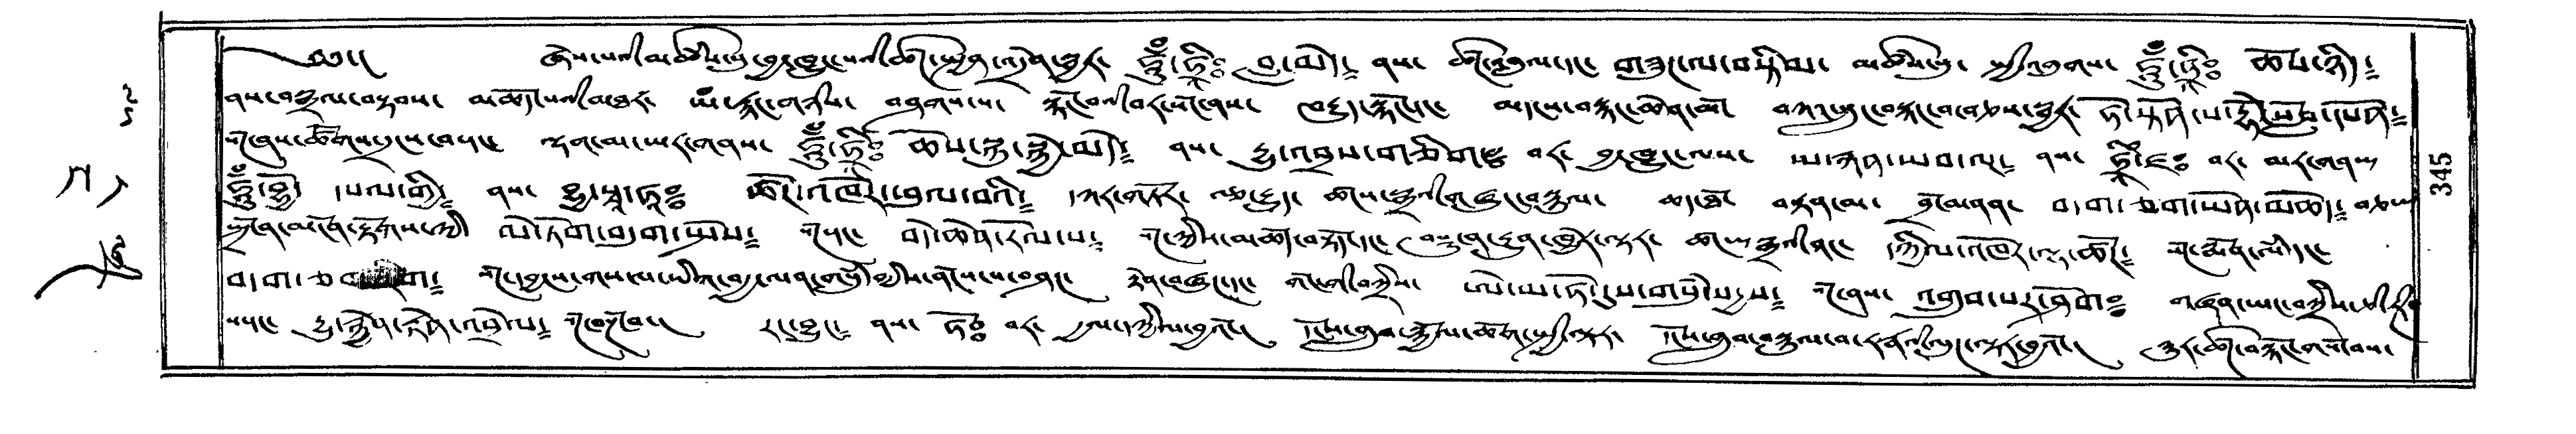ཞེས་པའི་མཚམས་སུ་བྱ་ཁྱུང་པའི་ཚོགས་སྤྱན་འདྲེན་སྦྱར། ཧཱུྃ་ཧྲཱིཿ བླ་མེད༴ ནས། ཚོགས་འབུལ་དང་། གཟུགས་ལ་བསྟིམ་མཚམས་སུ། སྤྱི་འགུགས། ཧཱུྃ་ཧྲཱིཿ ཆོས་ཉིད༴ 
ནས་བསྒྲལ་སྟབ། མཆོད་པའི་མཐར། ཡཾ་སྐང་གཉིས། བཤགས་པ། སྐོང་བའི་བར་སོང་ནས། བརྒྱུད་སྐོང་དང་། མདངས་སྐོང་ཆེན་མོ། བཀའ་སྲུང་སྐོང་བ་བཅས་སྦྱར། ཧོཿསྟོན་པ་རྡོ་རྗེ་སློབ་དཔོན༴ 
སོགས་ནས་ཚོགས་དྲངས་བ་དང་། ལྷག་མ་ཡར་གནས། ཧཱུྃ་ཧྲཱིཿ ཆོས་སྐུ་སྐྱེ་མེད༴ ནས། རྒྱུ་འབྲས་གཅིག༔ བར། བྱ་ཁྱུང་ལས། ཡ་རྐན་ཡབ་ལྔ༴ ནས། ཧྲཱིཾ་ཛཿ བར། མར་གནས། 
ཧཱུྃ་བྷྱོ༔ དཔལ་གྱི༴ ནས། བྷྱ་སྭ་ཧཱ༔ ཚོགས་འཁོར་ཕུལ་བའི༴ དཀར་གཏོར། རྩ་རྒྱུད། ཚངས་སྒྲའི་གཞུང་བསྐུལ།ཆད་ཐོ། བརྟན་མ། བྲོ་མནན། བདག་ཅག་ཡོན་མཆོད༴ བཅས། 
སྤྲོ་ན་མངོན་རྟོགས་ཀྱི། མེ་ཏོག་བདུག་སྤོས༴ སོགས་དང་། བདེ་ཆེན་རོལ་པ༴ སོགས་ཀྱིས་མཆོད་བསྟོད་དང་། བསྡུ་ན་རྒྱུན་ཁྱེར་ལྟར། ཚངས་སྒྲའི་ནང་། དཀྱིལ་འཁོར་ལྷ་ཚོགས༴ སོགས་སྨོན་ལམ་དང་། 
བདག་ཅག་མ་རིག༴ སོགས་དབྱངས་གསལ་ཡིག་བརྒྱ་ལན་གསུམ་གྱིས་ནོངས་པ་བཤགས། རྟེན་བཞུགས་དང་། གོང་གི་བཀྲ་ཤིས ། ཨེ་མ་ཧོཿདུས་གསུམ་སངས་རྒྱས༴ སོགས་ནས། འགྲུབ་པར་ཤོག༔ གཞན་ཡང་བཀྲ་ཤིས་ཅི་རིགས་
པ་དང་། རྒྱུ་རྐྱེན་རྟེན་འབྲེལ༴ སོགས་བསྔོ་བ། རང་བྱུང༴ ནས། ཧོཿ བར། རྒྱལ་དཀྱིལ༴ བཅས་བྱའོ། དངོས་གྲུབ་བསྐུལ་བ་རཏྣའི་ལུགས་ལྟར་བྱའོ། ཟུར་ཚོགས་སྐོང་གསོ་བས་